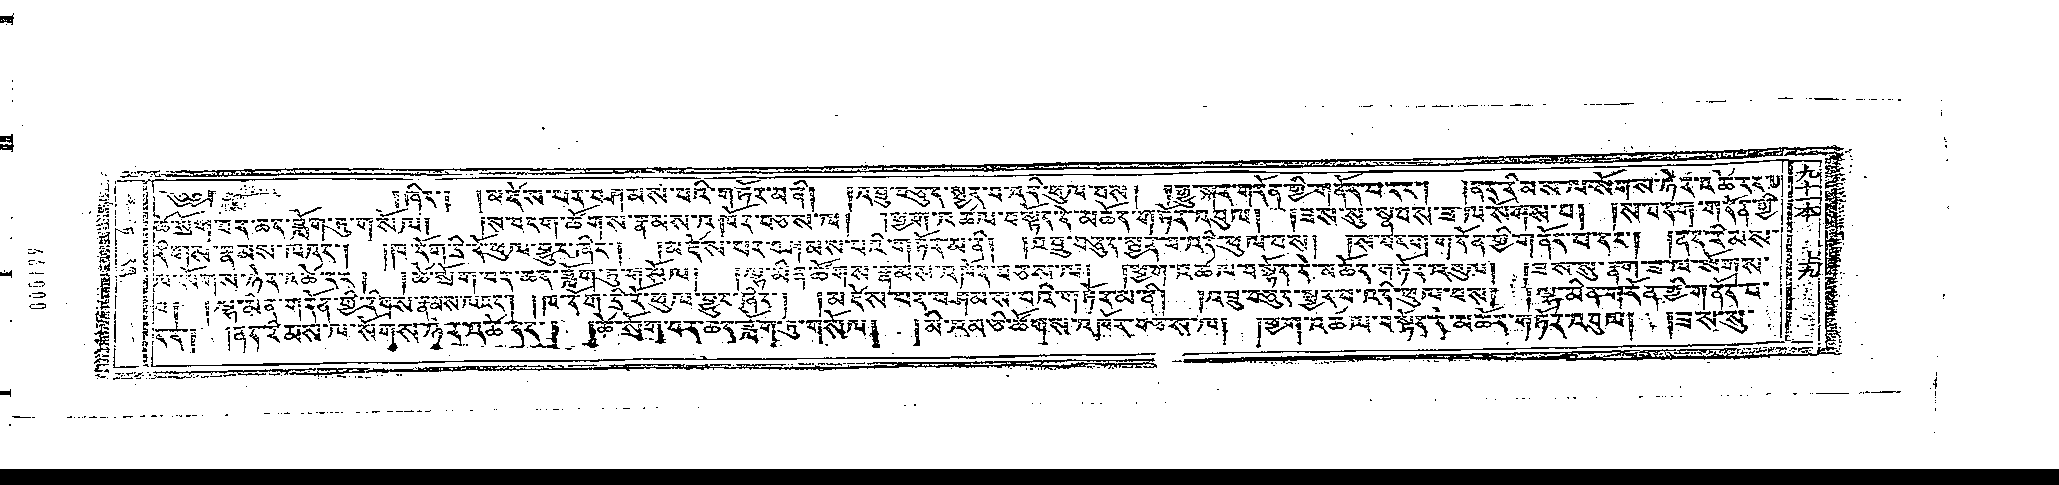༄༅། །ཞིང་། །མཛེས་པར་བཤམས་པའི་གཏོར་མ་ནི། །འབྲུ་བཅུང་སྦྱར་བ་འདི་ཕུལ་བས། །རྒྱུ་སྐར་གདོན་གྱི་གནོད་པ་དང་། །ནད་རིམས་ལ་སོགས་ཉེར་འཚེ་དང་།
ཚེ་སྲོག་བར་ཆད་ཟློག་ཏུ་གསོལ། །ས་བདག་ཚོགས་རྣམས་འཁོར་བཅས་ལ། །ཕྱག་འཚལ་བསྟོད་དེ་མཆོད་གཏོར་འབུལ། །ཟས་སུ་སྣབས་ཟ་ལ་སོགས་པ། །ས་བདག་གདོན་གྱི་
རིགས་རྣམས་ལའང་། །ཁ་དོག་དྲི་རོ་ཕུལ་བྱུང་ཞིང་། །མཛེས་པར་བཤམས་པའི་གཏོར་མ་ནི། །འབྲུ་བཅུད་སྦྱར་བ་འདི་ཕུལ་བས། །ས་བདག་གདོན་གྱི་གནོད་པ་དང་། །ནད་རིམས་
ལ་སོགས་ཉེར་འཚེ་དང་། །ཚེ་སྲོག་བར་ཆད་ཟློག་ཏུ་གསོལ། །ལྷ་མིན་ཚོགས་རྣམས་འཁོར་བཅས་ལ། །ཕྱག་འཚལ་བསྟོད་དེ་མཆོད་གཏོར་འབུལ། །ཟས་སུ་རྣག་ཟ་ལ་སོགས་
པ། །ལྷ་མིན་གདོན་གྱི་རིགས་རྣམས་པའང་། །ཁ་དོག་དྲི་རོ་ཕུལ་བྱུང་ཞིང་། །མཛེས་པར་བཤམས་པའི་གཏོར་མ་ནི། །འབྲུ་བཅུད་སྦྱར་བ་འདི་ཕུལ་བས། །ལྷ་མིན་གདོན་གྱི་གནོད་པ་
དང་། །ནང་རིམས་ལ་སོགས་ཉེར་འཚེ་དང་། །ཚེ་སྲོག་བར་ཆད་ཟློག་ཏུ་གསོལ། །མིའམ་ཅི་ཚོགས་འཁོར་བཅས་ལ། །ཕྱག་འཚལ་བསྟོད་དེ་མཆོད་གཏོར་འབུལ། །ཟས་སུ་